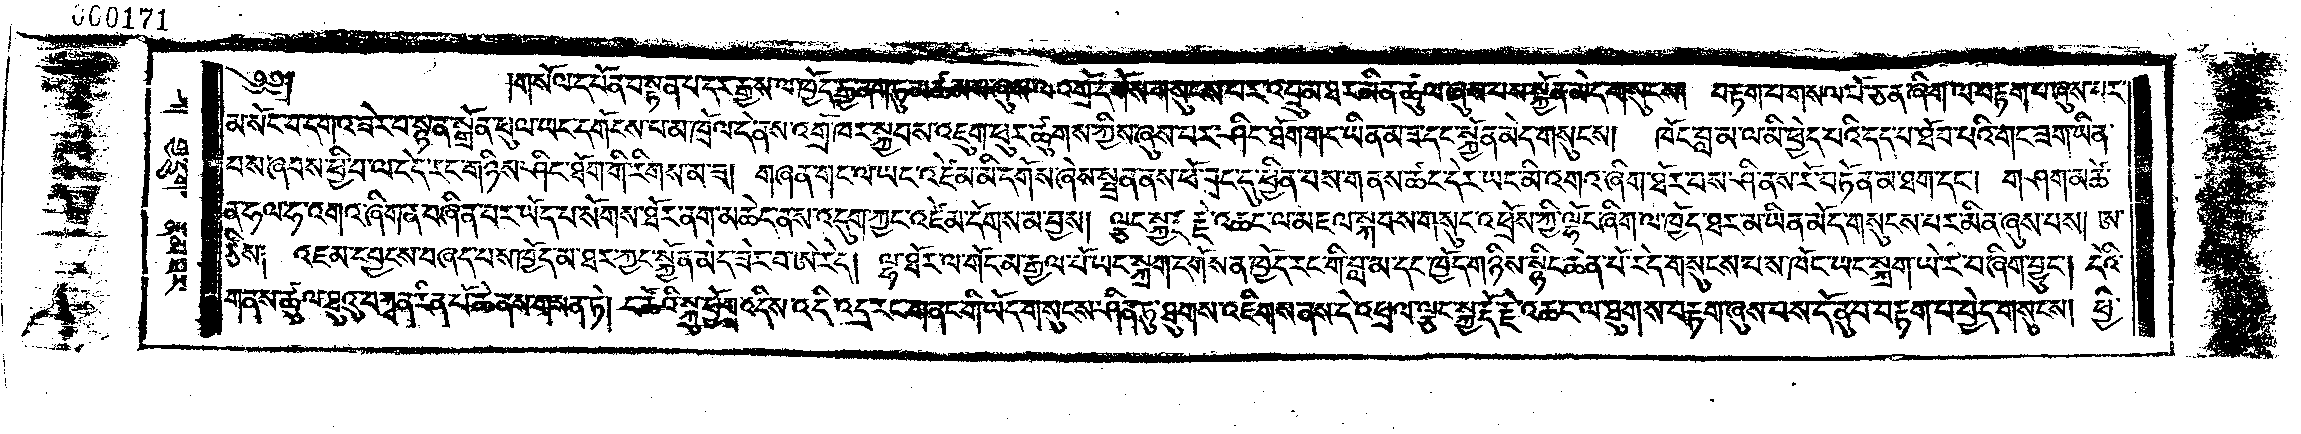༄༅། །གསོལ་དཔོན་བསྟན་པ་དར་རྒྱས་ལ་ཁྱོད་རྒྱ་ནག་ཏུ་མཚམས་ཞུས་ལ་འགྲོ་དགོས་གསུངས་པར་འབྲུམ་ཐར་མིན་ཚུལ་ཞུས་པས་སྐྱོན་མེད་གསུངས། བརྟག་པ་གསལ་པོ་ཅན་ཞིག་ལ་བརྟག་པ་ཞུས་པར་
མ་སོང་བ་དགའ་ཟེར་བ་སྙན་སྒྲོན་ཕུལ་ཡང་དགོངས་པ་མ་ཁྲོལ་དེ་ནས་འགྲོ་ཁར་སྐྱབས་འཇུག་ཕུར་ཚུགས་ཀྱིས་ཞུས་པར་ཤིང་ཐོག་གང་ཡིན་མ་ཟ་དང་སྐྱོན་མེད་གསུངས། ཁོང་བླ་མ་ལ་མི་ཕྱེད་པའི་དང་པ་ཐོབ་པའི་གང་ཟག་ཡིན་
པས་ཞབས་ཕྱི་བ་ལ་ངེད་རང་གཉིས་ཤིང་ཐོག་གི་རིགས་མ་ཟ། གཞན་གང་ལ་ཡང་འཛེམ་མི་དགོས་ཞེས་སྦྲན་ནས་ཕོ་བྲང་དུ་ཕྱིན་པས་གནས་ཚང་དེར་ཡང་མི་འགའ་ཞིག་ཐོར་བས་ཤི་ནས་རོ་བཏོན་མ་ཐག་དང་། གཤག་མཚེ་
ན་ཧལ་ཧ་འགའ་ཞིག་ན་བཞིན་པར་ཡོད་པ་སོགས་ཐོར་ནག་མཆེད་ནས་འདུག་ཀྱང་འཛེམ་དོགས་མ་བྱས། ལྕང་སྐྱ་རྡོ་རྗེ་འཆང་ལ་མཇལ་སྐབས་གསུང་འཕྲོས་ཀྱི་ལྷོང་ཞིག་ལ་ཁྱོད་ཐར་མ་ཡིན་མོད་གསུངས་པར་མིན་ཞུས་པས། ཨ་
ཙིས༑ འཇམ་དབྱངས་བཞད་པས་ཁྱོད་མ་ཐར་ཀྱང་སྐྱོན་མེད་ཟེར་བ་ཨེ་རེད། ལྷ་ཐོར་ལ་གོང་མ་རྒྱལ་པོ་ཡང་སྐྲག་དགོས་ན་ཁྱོད་རང་གི་བླ་མ་དང་ཁྱོད་གཉིས་སྙིང་ཆེན་པོ་རེད་གསུངས་པས་ཁོང་ཡང་སྐྲག་ཡེ་རེ་བ་ཞིག་བྱུང་། དེའི་
གནས་ཚུལ་ཐུའུ་བཀྭན་རིན་པོ་ཆེ་ནས་གསན་ཏེ། ང་ཚོའི་སྐུ་ཕྱོགས་འདིས་འདི་འདྲ་རང་གནང་གི་ཡོད་གསུངས་ཤིན་ཏུ་ཐུགས་འཇིགས་ནས་དེ་འཕྲལ་ལྕང་སྐྱ་རྡོ་རྗེ་འཆང་ལ་ཐུགས་བརྟག་ཞུས་པས་དོ་ནུབ་བརྟག་པ་བྱེད་གསུངས། ཕྱི་